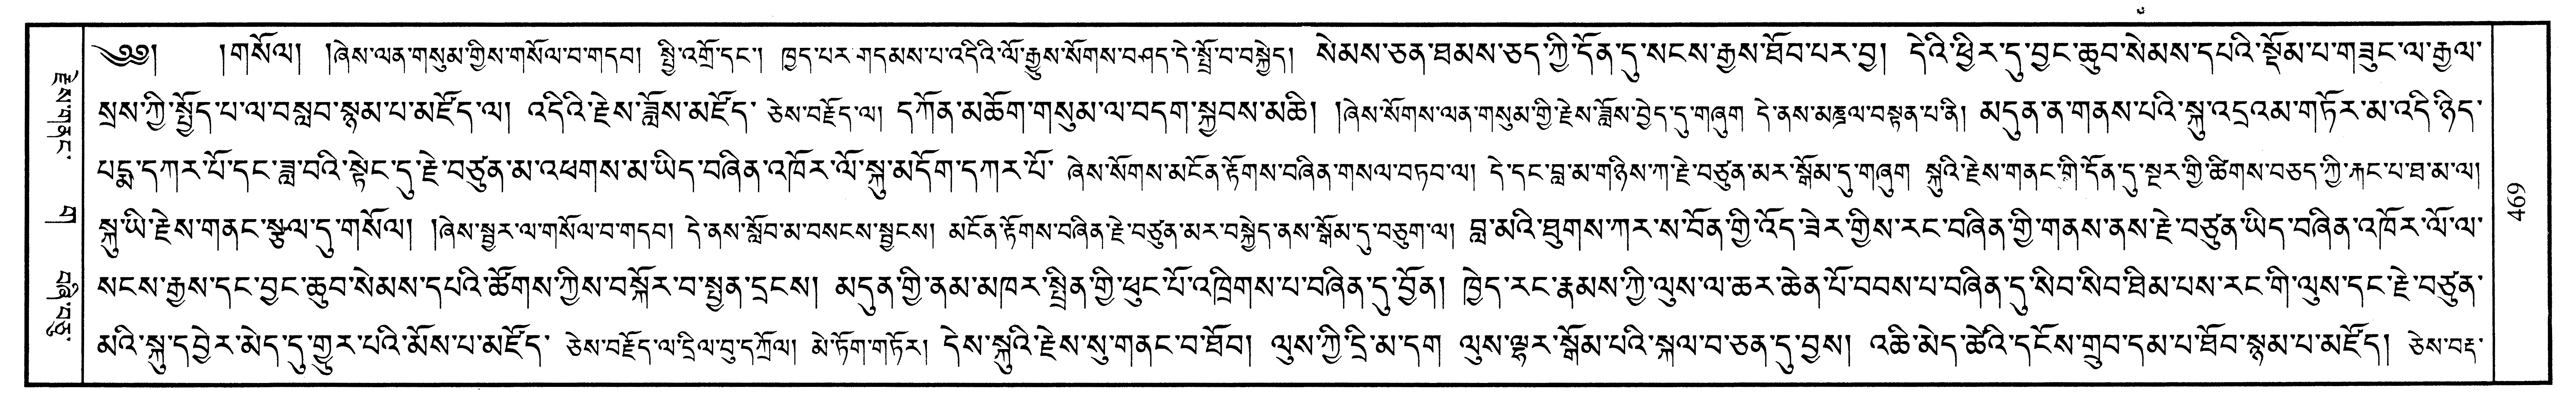༄༅། །གསོལ། །ཞེས་ལན་གསུམ་གྱིས་གསོལ་བ་གདབ། སྤྱི་འགྲོ་དང་། ཁྱད་པར་གདམས་པ་འདིའི་ལོ་རྒྱུས་སོགས་བཤད་དེ་སྤྲོ་བ་བསྐྱེད། སེམས་ཅན་ཐམས་ཅད་ཀྱི་དོན་དུ་སངས་རྒྱས་ཐོབ་པར་བྱ། དེའི་ཕྱིར་དུ་བྱང་ཆུབ་སེམས་དཔའི་སྡོམ་པ་གཟུང་ལ་རྒྱལ་
སྲས་ཀྱི་སྤྱོད་པ་ལ་བསླབ་སྙམ་པ་མཛོད་ལ། འདིའི་རྗེས་ཟློས་མཛོད་ཅེས་བརྗོད་ལ། དཀོན་མཆོག་གསུམ་ལ་བདག་སྐྱབས་མཆི། །ཞེས་སོགས་ལན་གསུམ་གྱི་རྗེས་ཟློས་བྱེད་དུ་གཞུག །དེ་ནས་མཎྜལ་བསྟན་པ་ནི། མདུན་ན་གནས་པའི་སྐུ་འདྲའམ་གཏོར་མ་འདི་ཉིད་
པདམ་དཀར་པོ་དང་ཟླ་བའི་སྟེང་དུ་རྗེ་བཙུན་མ་འཕགས་མ་ཡིད་བཞིན་འཁོར་ལོ་སྐུ་མདོག་དཀར་པོ། ཞེས་སོགས་མངོན་རྟོགས་བཞིན་གསལ་བཏབ་ལ། དེ་དང་བླ་མ་གཉིས་ཀ་རྗེ་བཙུན་མར་སྒོམ་དུ་གཞུག །སྐུའི་རྗེས་གནང་གི་དོན་དུ་སྔར་གྱི་ཚིགས་བཅད་ཀྱི་རྐང་པ་ཐ་མ་ལ།
སྐུ་ཡི་རྗེས་གནང་སྩལ་དུ་གསོལ། །ཞེས་སྦྱར་ལ་གསོལ་བ་གདབ། དེ་ནས་སློབ་མ་བསངས་སྦྱངས། མངོན་རྟོགས་བཞིན་རྗེ་བཙུན་མར་བསྐྱེད་ནས་སྒོམ་དུ་བཅུག་ལ། བླ་མའི་ཐུགས་ཀར་ས་བོན་གྱི་འོད་ཟེར་གྱིས་རང་བཞིན་གྱི་གནས་ནས་རྗེ་བཙུན་ཡིད་བཞིན་འཁོར་ལོ་ལ་
སངས་རྒྱས་དང་བྱང་ཆུབ་སེམས་དཔའི་ཚོགས་ཀྱིས་བསྐོར་བ་སྤྱན་དྲངས། མདུན་གྱི་ནམ་མཁར་སྤྲིན་གྱི་ཕུང་པོ་འཁྲིགས་པ་བཞིན་དུ་བྱོན། ཁྱེད་རང་རྣམས་ཀྱི་ལུས་ལ་ཆར་ཆེན་པོ་བབས་པ་བཞིན་དུ་སིབ་སིབ་ཐིམ་པས་རང་གི་ལུས་དང་རྗེ་བཙུན་
མའི་སྐུ་དབྱེར་མེད་དུ་གྱུར་པའི་མོས་པ་མཛོད། ཅེས་བརྗོད་ལ་དྲིལ་བུ་དཀྲོལ། མེ་ཏོག་གཏོར། དེས་སྐུའི་རྗེས་སུ་གནང་བ་ཐོབ། ལུས་ཀྱི་དྲི་མ་དག །ལུས་ལྷར་སྒོམ་པའི་སྐལ་བ་ཅན་དུ་བྱས། འཆི་མེད་ཚེའི་དངོས་གྲུབ་དམ་པ་ཐོབ་སྙམ་པ་མཛོད། ཅེས་བརྡ་